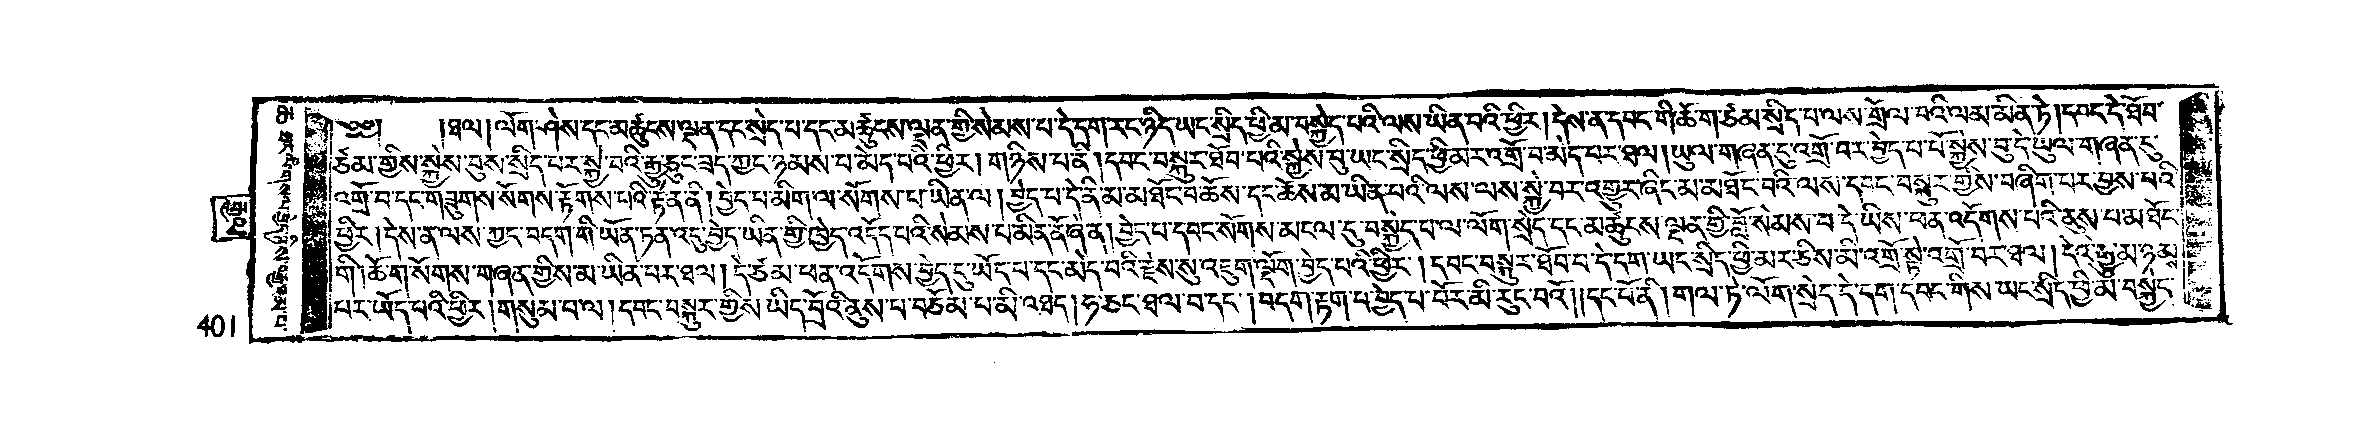༄༅། །ཐལ། ལོག་ཤེས་དང་མཚུངས་ལྡན་དང་སྲེད་པ་དང་མཚུངས་ལྡན་གྱི་སེམས་པ་དེ་དག་རང་ཉིད་ཡང་སྲིད་ཕྱི་མ་བསྐྱེད་པའི་ལས་ཡིན་པའི་ཕྱིར། དེས་ན་དབང་གི་ཆོ་ག་ཙམ་སྲིད་པ་ལས་གྲོལ་བའི་ལམ་མིན་ཏེ། དབང་དེ་ཐོབ་
ཙམ་གྱིས་སྐྱེས་བུས་སྲིད་པར་སྐྱེ་བའི་རྒྱུ་ཅུང་ཟད་ཀྱང་ཉམས་པ་མེད་པའི་ཕྱིར། གཉིས་པ་ནི། དབང་བསྐུར་ཐོབ་པའི་སྐྱེས་བུ་ཡང་སྲིད་ཕྱི་མར་འགྲོ་བ་མེད་པར་ཐལ། ཡུལ་གཞན་དུ་འགྲོ་བར་བྱེད་པ་པོ་སྐྱེས་བུ་དེ་ཡུལ་གཞན་དུ་
འགྲོ་བ་དང་གཟུགས་སོགས་རྟོགས་པའི་རྟེན་ནི། བྱེད་པ་མིག་ལ་སོགས་པ་ཡིན་ལ། བྱེད་པ་དེ་ནི་མ་མཐོང་བ་ཆོས་དང་ཆོས་མ་ཡིན་པའི་ལས་ལས་སྐྱེ་བར་འགྱུར་ཞིང་མ་མཐོང་བའི་ལས་དབང་བསྐུར་གྱིས་བཞིག་པར་བྱས་པའི་
ཕྱིར། དེས་ན་ལས་ཀྱང་བདག་གི་ཡོན་ཏན་འདུ་བྱེད་ཡིན་གྱི་ཁྱེད་འདོད་པའི་སེམས་པ་མིན་ནོ་ཞེ་ན། བྱེད་པ་དབང་སོགས་མངལ་དུ་བསྐྱེད་པ་ལ་ལོག་སྲེད་དང་མཚུངས་ལྡན་གྱི་བློ་སེམས་པ་དེ་ཡིས་ཕན་འདོགས་པའི་ནུས་པ་མཐོང་
གི། ཆོ་ག་སོགས་གཞན་གྱིས་མ་ཡིན་པར་ཐལ། དེ་ཙམ་ཕན་འདོགས་བྱེད་དུ་ཡོད་པ་དང་མེད་པའི་རྗེས་སུ་འཇུག་ལྡོག་བྱེད་པའི་ཕྱིར། དབང་བསྐུར་ཐོབ་པ་དེ་དག་ཡང་སྲིད་ཕྱི་མར་ཅིས་མི་འགྲོ་སྟེ་འགྲོ་བར་ཐལ། དེའི་རྒྱུ་མ་ཉམས་
པར་ཡོད་པའི་ཕྱིར། གསུམ་པ་ལ། དབང་བསྐུར་གྱིས་ཡིད་པྲོའི་?་ནུས་པ་བཅོམ་པ་མི་འཐད། ཧ་ཅང་ཐལ་བ་དང་། བདག་རྟག་པ་བྱེད་པ་པོར་མི་རུང་བའོ། །དང་པོ་ནི། གལ་ཏེ་ལོག་སྲེད་དེ་དག་དབང་གིས་ཡང་སྲིད་ཕྱི་མ་བསྐྱེད་